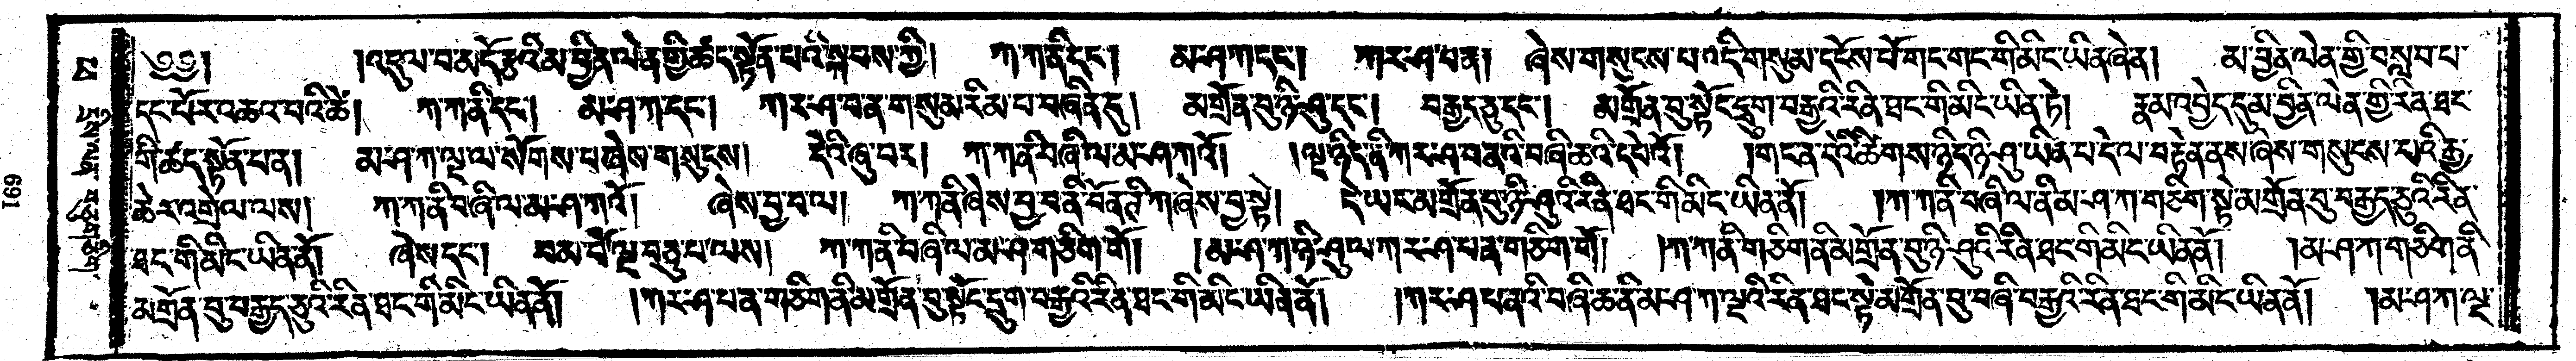༄༅། །འདུལ་བ་མདོ་རྩའི་མ་བྱིན་ལེན་གྱི་ཚད་སྟོན་པའི་སྐབས་ཀྱི། ཀ་ཀ་ནི་དང་། མ་ཤ་ཀ་དང་། ཀར་ཤ་བ་ན། ཞེས་གསུངས་པ་འདི་གསུམ་དངོས་པོ་གང་གང་གི་མིང་ཡིན་ཞེ་ན། མ་བྱིན་ལེན་གྱི་བསླབ་པ་
དང་པོར་འཆའ་བའི་ཚེ། ཀ་ཀ་ནི་དང་། མ་ཤ་ཀ་དང་། ཀར་ཤ་བ་ན་གསུམ་རིམ་པ་བཞིན་དུ། མགྲོན་བུ་ཉི་ཤུ་དང་། བརྒྱད་ཅུ་དང་། མགྲོན་བུ་སྟོང་དྲུག་བརྒྱའི་རིན་ཐང་གི་མིང་ཡིན་ཏེ། རྣམ་འབྱེད་དུ་མ་བྱིན་ལེན་གྱི་རིན་ཐང་
གི་ཚད་སྟོན་པ་ན། མ་ཤ་ཀ་ལྔ་ལ་སོགས་པ་ཞེས་གསུངས། དེའི་ཞུ་བར། ཀ་ཀ་ནི་བཞི་ལ་མ་ཤ་ཀའོ། །ལྔ་ཉིད་ནི་ཀར་ཤ་བ་ནའི་བཞི་ཆའི་དཔེའོ། །གང་ན་དེའི་ཚིགས་ཉིད་ཉི་ཤུ་ཡིན་པ་དེ་ལ་བརྟེན་ནས་ཞེས་གསུངས་པའི་རྒྱ་
ཆེར་འགྲེལ་ལས། ཀ་ཀ་ནི་བཞི་ལ་མ་ཤ་ཀའོ། ཞེས་བྱ་བ་ལ། ཀ་ཀ་ནི་ཞེས་བྱ་བ་ནི་བོན་ཊི་ཀ་ཞེས་བྱ་སྟེ། དེ་ཡང་མགྲོན་བུ་ཉི་ཤུའི་རིན་ཐང་གི་མིང་ཡིན་ནོ། །ཀ་ཀ་ནི་བཞི་ལ་ནི་མ་ཤ་ཀ་གཅིག་སྟེ་མགྲོན་བུ་བརྒྱད་ཅུའི་རིན་
ཐང་གི་མིང་ཡིན་ནོ། ཞེས་དང་། བམ་པོ་ལྔ་བཅུ་པ་ལས། ཀ་ཀ་ནི་བཞི་ལ་མ་ཤ་གཅིག་གོ། །མ་ཤ་ཀ་ཉི་ཤུལ་ཀར་ཤ་པ་ན་གཅིག་གོ། །ཀ་ཀ་ནི་གཅིག་ནི་མགྲོན་བུ་ཉི་ཤུའི་རིན་ཐང་གི་མིང་ཡིན་ནོ། །མ་ཤ་ཀ་གཅིག་ནི་
མགྲོན་བུ་བརྒྱད་ཅུའི་རིན་ཐང་གི་མིང་ཡིན་ནོ། །ཀར་ཤ་པ་ན་གཅིག་ནི་མགྲོན་བུ་སྟོང་དྲུག་བརྒྱའི་རིན་ཐང་གི་མིང་ཡིན་ནོ། །ཀར་ཤ་པ་ནའི་བཞི་ཆ་ནི་མ་ཤ་ཀ་ལྔའི་རིན་ཐང་སྟེ་མགྲོན་བུ་བཞི་བརྒྱའི་རིན་ཐང་གི་མིང་ཡིན་ནོ། །མ་ཤ་ཀ་ལྔ་